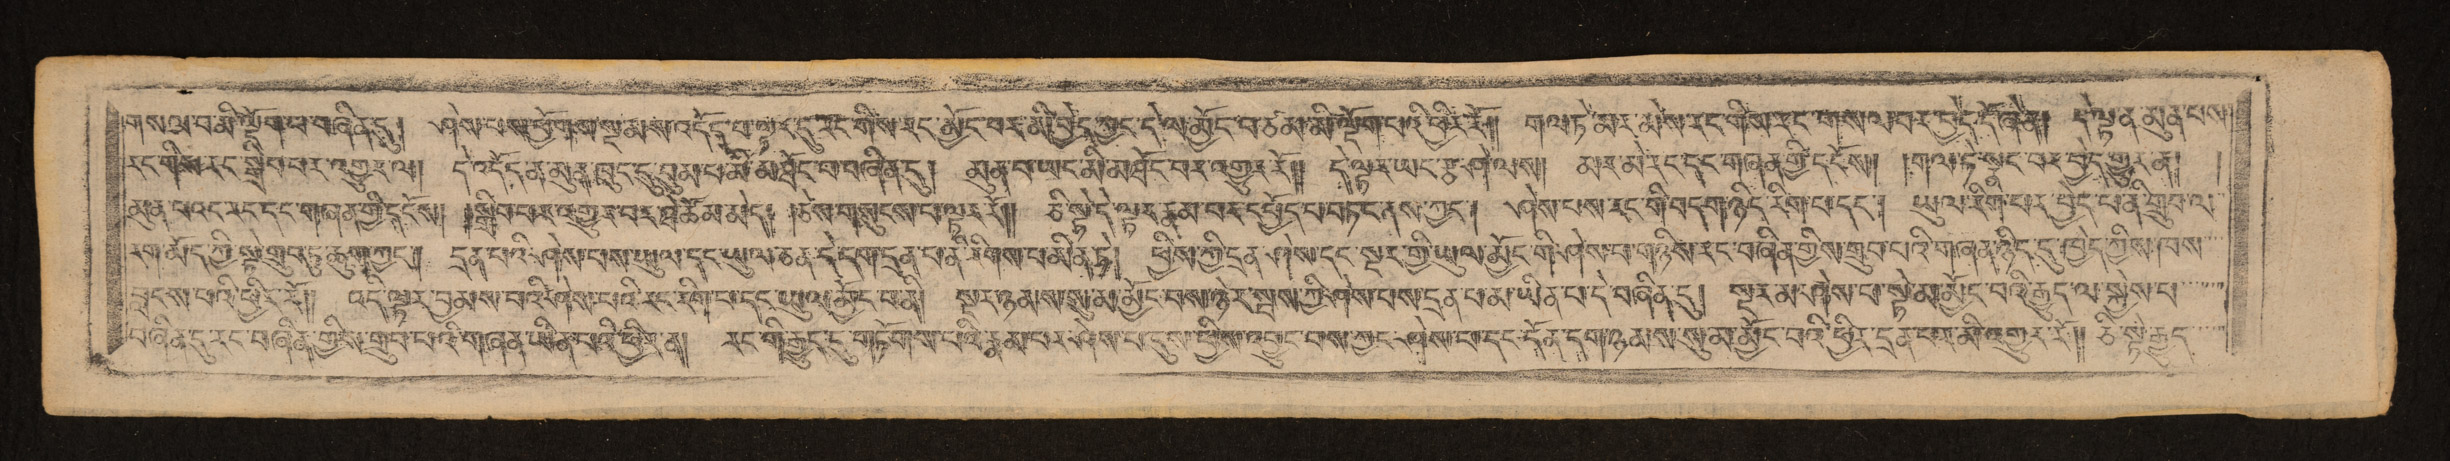གསལ་བ་མི་ལྡོག་པ་བཞིན་དུ། ཤེས་པས་ཕྱོགས་སྔ་མས་འདོད་པ་ལྟར་དུ་རང་གིས་རང་མྱོང་བར་མི་བྱེད་ཀྱང་དེ་ལ་མྱོང་བ་ཙམ་མི་ལྡོག་པའི་ཕྱིར་རོ།། གལ་ཏེ་མར་མེས་རང་གིས་རང་གསལ་བར་བྱེད་དོ་ཞེ་ན། དེ་ལྟ་ན་མུན་པས་
རང་གིས་རང་སྒྲིབ་པར་འགྱུར་ལ། དེ་འདོད་ན་མུན་ཁུང་དུ་བུམ་པ་མི་མཐོང་བ་བཞིན་དུ། མུན་པ་ཡང་མི་མཐོང་བར་འགྱུར་རོ།། དེ་ལྟར་ཡང་རྩ་ཤེ་ལས། མར་མེ་རང་དང་གཞན་གྱི་དངོས། །གལ་ཏེ་སྣང་བར་བྱེད་གྱུར་ན།།
མུན་པའང་རང་དང་གཞན་གྱི་དངོས། །སྒྲིབ་པར་འགྱུར་བར་ཐེ་ཚོམ་མེད། །ཅེས་གསུངས་པ་ལྟར་རོ།། ཅི་སྟེ་དེ་ལྟར་རྣམ་པར་དཔྱོད་པ་བཏང་ནས་ཀྱང་། ཤེས་པས་རང་གི་བདག་ཉིད་རིག་པ་དང་། ཡུལ་རིག་པར་བྱེད་པ་ནི་གྲུབ་ལ་
རག་མོད་ཀྱི་སྟེ་གྲུབ་ཏུ་ཆུག་ཀྱང་། དྲན་པའི་ཤེས་པས་ཡུལ་དང་ཡུལ་ཅན་དེ་དག་དྲན་པ་ནི་རིགས་པ་མིན་ཏེ། ཕྱིས་ཀྱི་དྲན་ཤེས་དང་སྔར་གྱི་ཡུལ་མྱོང་གི་ཤེས་པ་གཉིས་རང་བཞིན་གྱིས་གྲུབ་པའི་གཞན་ཉིད་དུ་ཁྱེད་ཀྱིས་ཁས་
བླངས་པའི་ཕྱིར་རོ།། འདི་ལྟར་བྱམས་པའི་ཤེས་པའི་རང་རིག་པ་དང་ཡུལ་མྱོང་བ་ནི། སྔར་ཉམས་སུ་མ་མྱོང་བས་ཉེར་སྦས་ཀྱི་ཤེས་པས་དྲན་པ་མ་ཡིན་པ་དེ་བཞིན་དུ། སྔར་མ་ཤེས་པ་སྟེ་མ་མྱོང་བའི་རྒྱུད་ལ་སྐྱེས་པ་
བཞིན་དུ་རང་བཞིན་གྱིས་གྲུབ་པའི་གཞན་ཡིན་པའི་ཕྱིར་ན། རང་གི་རྒྱུད་དུ་གཏོགས་པའི་རྣམ་པར་ཤེས་པ་དུས་ཕྱིས་འབྱུང་བས་ཀྱང་ཤེས་པ་དང་དོན་དག་ཉམས་སུ་མ་མྱོང་བའི་ཕྱིར་དྲན་པར་མི་འགྱུར་རོ།། ཅི་སྟེ་རྒྱུད་